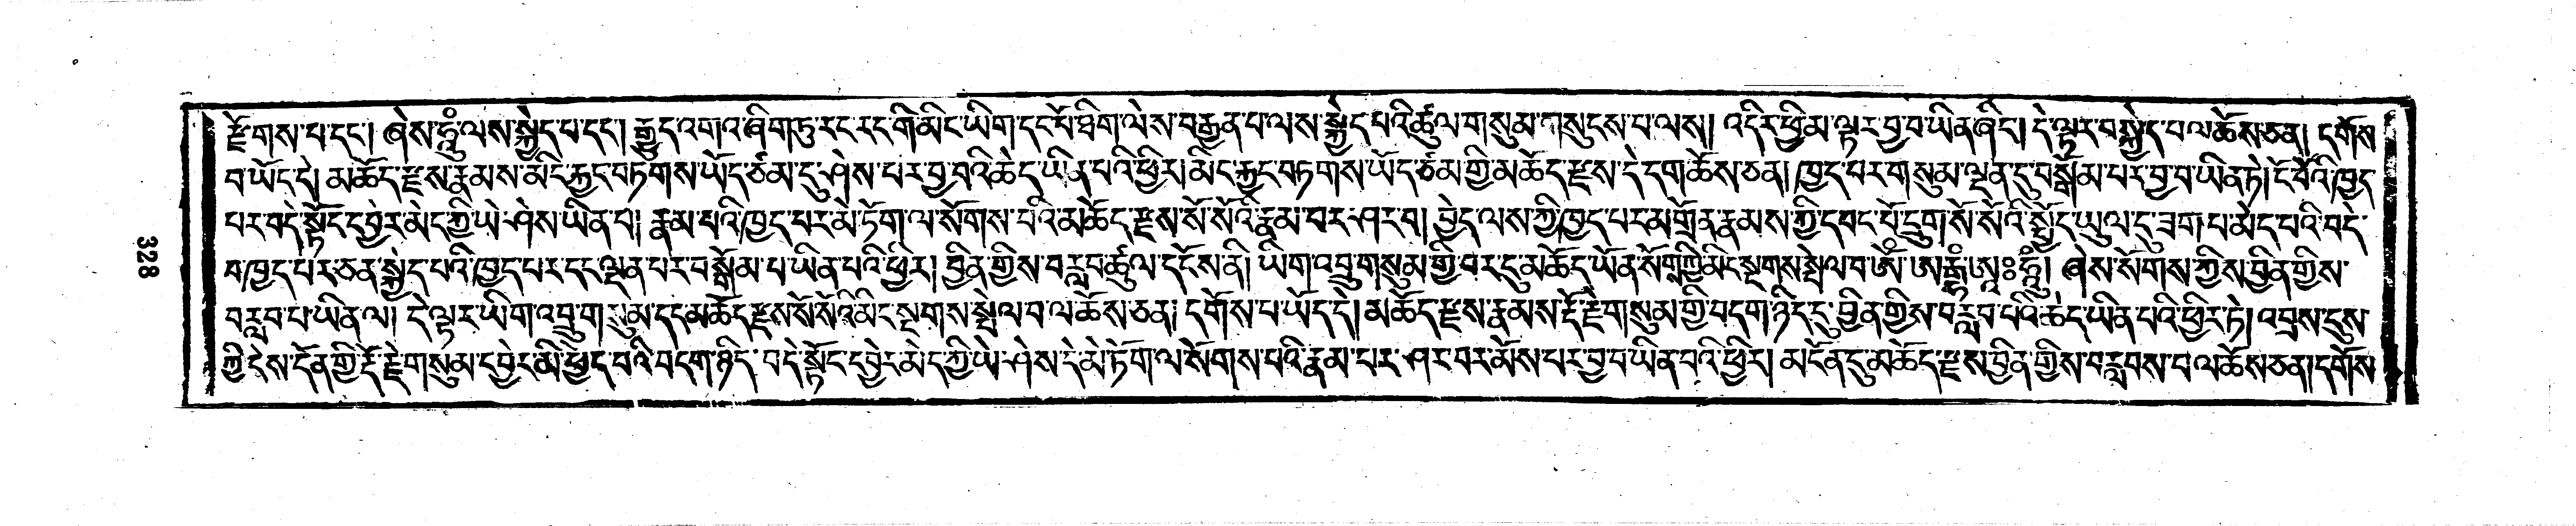རྫོགས་པ་དང་། ཞེས་ཧཱུཾ་ལས་སྐྱེད་པ་དང་། རྒྱུད་འགའ་ཞིག་ཏུ་རང་རང་གི་མིང་ཡིག་དང་པོ་ཐིག་ལེས་བརྒྱན་པ་ལས་སྐྱེད་པའི་ཚུལ་གསུམ་གསུངས་པ་ལས། འདིར་ཕྱི་མ་ལྟར་བྱ་བ་ཡིན་ཞིང་། དེ་ལྟར་བསྐྱེད་པ་ལ་ཆོས་ཅན། དགོས་
པ་ཡོད་དེ། མཆོད་རྫས་རྣམས་མིང་རྐྱང་བཏགས་ཡོད་ཙམ་དུ་ཤེས་པར་བྱ་བའི་ཆེད་ཡིན་པའི་ཕྱིར། མིང་རྐྱང་བཏགས་ཡོད་ཙམ་གྱི་མཆོད་རྫས་དེ་དག་ཆོས་ཅན། ཁྱད་པར་གསུམ་ལྡན་དུ་བསྒོམ་པར་བྱ་བ་ཡིན་ཏེ། ངོ་བོའི་ཁྱད་
པར་བདེ་སྟོང་དབྱེར་མེད་ཀྱི་ཡེ་ཤེས་ཡིན་པ། རྣམ་པའི་ཁྱད་པར་མེ་ཏོག་ལ་སོགས་པའི་མཆོད་རྫས་སོ་སོའི་རྣམ་པར་ཤར་བ། བྱེད་ལས་ཀྱི་ཁྱད་པར་མགྲོན་རྣམས་ཀྱི་དབང་པོ་དྲུག་སོ་སོའི་སྤྱོད་ཡུལ་དུ་ཟག་པ་མེད་པའི་བདེ་
བ་ཁྱད་པར་ཅན་སྐྱེད་པའི་ཁྱད་པར་དང་ལྡན་པར་བསྒོམ་པ་ཡིན་པའི་ཕྱིར། བྱིན་གྱིས་བརླབ་ཚུལ་དངོས་ནི། ཡིག་འབྲུ་གསུམ་གྱི་བར་དུ་མཆོད་ཡོན་སོགས་ཀྱི་མིང་སྔགས་སྤེལ་བ་ཨོཾ་ཨརྒྷཾ་ཨཱཿ ཧཱུཾ། ཞེས་སོགས་ཀྱིས་བྱིན་གྱིས་
བརླབ་པ་ཡིན་ལ། དེ་ལྟར་ཡིག་འབྲུ་གསུམ་དང་མཆོད་རྫས་སོ་སོའི་མིང་སྔགས་སྤེལ་བ་ལ་ཆོས་ཅན། དགོས་པ་ཡོད་དེ། མཆོད་རྫས་རྣམས་རྡོ་རྗེ་གསུམ་གྱི་བདག་ཉིད་དུ་བྱིན་གྱིས་བརླབ་པའི་ཆེད་ཡིན་པའི་ཕྱིར་ཏེ། འབྲས་དུས་
ཀྱི་ངེས་དོན་གྱི་རྡོ་རྗེ་གསུམ་དབྱེར་མི་ཕྱེད་པའི་བདག་ཉིད་བདེ་སྟོང་དབྱེར་མེད་ཀྱི་ཡེ་ཤེས་དེ་མེ་ཏོག་ལ་སོགས་པའི་རྣམ་པར་ཤར་བར་མོས་པར་བྱ་བ་ཡིན་པའི་ཕྱིར། མངོན་དུ་མཆོད་རྫས་བྱིན་གྱིས་བརླབས་པ་ལ་ཆོས་ཅན། དགོས་